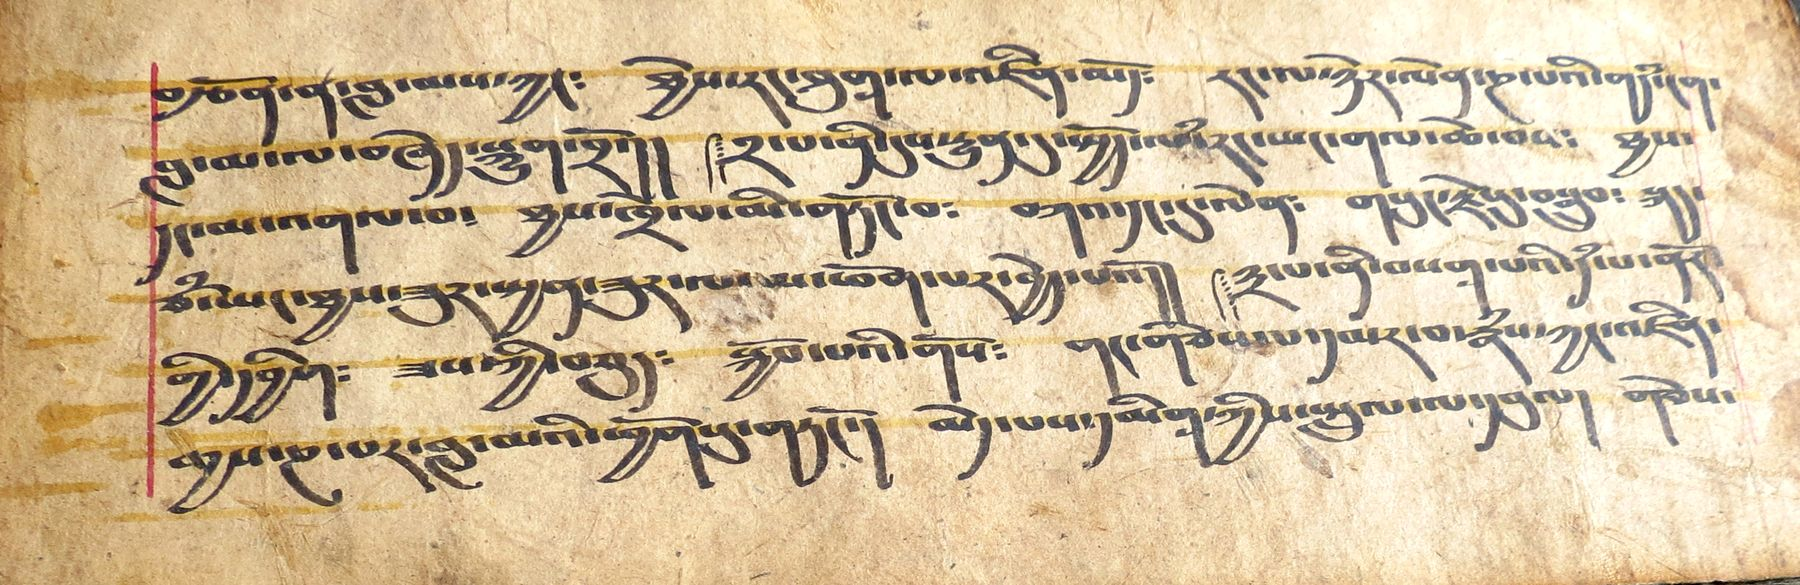བརྩོན་ན། བླ་མས་ཀྱང་ཐུགས་རྗེས་རང་ཤུགས་ལ་འཛིན་མོད། རང་ལ་ཉེར་ལེན་མེད་པས་གདམས་ངག་
བླ་མ་ལ་གཞེད་སྐྱུག་བྲོ། གཉིས་པ་ནི་དུས་རྒྱུན་དུ་སྤྱོད་ལམ་རང་ཡང་གལ་ཆེ་བས། ཐུགས་
དང་མི་འགལ་བ། ཐུགས་ཁྲེལ་མི་གཏོང་བ། བཀའ་དང་དུ་ལེན་པ། གསུང་རྗེས་སུ་བསྒྲུབ་པ། སྐད་
ཅིག་ཙམ་ཡང་ཐུགས་ཟུར་དང་སྤྱན་ཟུར་ལ་མ་ཕོག་པར་བྱེད་པའོ། ། གསུམ་པ་ནི། བསགས་པ་དམ་པ་ནོར་
གྱི་དབྱིག ཟས་ཀྱི་བཅུད། སྐྱོབ་པའི་གོས། གང་གཅེས་པ་དམར་བ་རྣམས་ཀྱང་འཛིན་
ཆགས་མེད་པ་བླ་མའི་ཕྱོགས་སུ་བཏང་། མེད་པ་དམིགས་ལ་སྤྲུལ་པ་འབུལ། གཅེས་